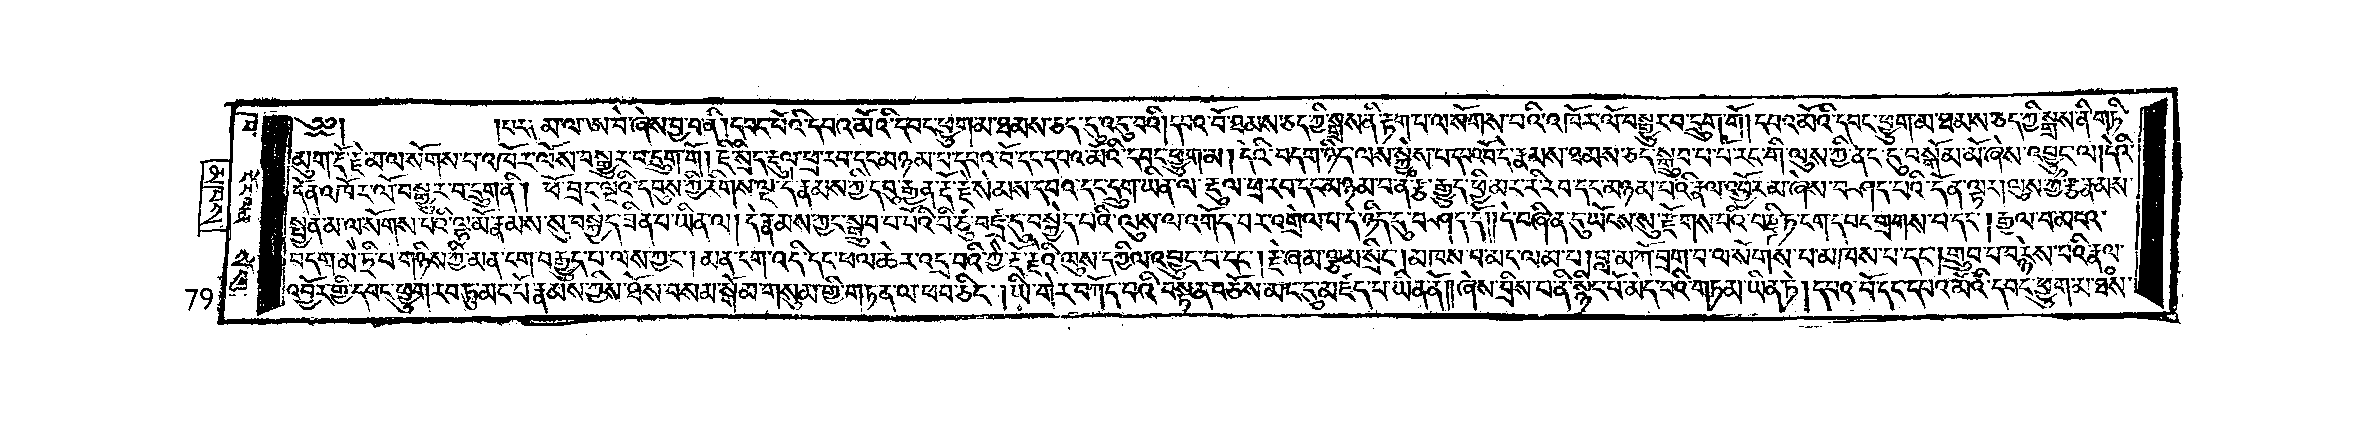༄༅། །པར༑ མ་ལ་ཨ་བེ་ཞེས་བྱ་བ་ནི། དབང་པོའི་དཔའ་མོའི་དབང་ཕྱུག་མ་ཐམས་ཅད་འདུ་བའི། དཔའ་བོ་ཐམས་ཅད་ཀྱི་སྒྲས་ནི་རྟག་པ་ལ་སོགས་པའི་འཁོར་ལོ་བསྒྱུར་བ་དྲུག་གོ །དཔའ་མོའི་དབང་ཕྱུག་མ་ཐམས་ཅད་ཀྱི་སྒྲས་ནི་གཏི་
མུག་རྡོ་རྗེ་མ་ལ་སོགས་པ་འཁོར་ལོས་བསྒྱུར་བ་དྲུག་གོ །ཇི་སྲིད་རྡུལ་ཕྲ་རབ་དང་མཉམ་པ་དཔའ་བོ་དང་དཔའ་མོའི་དབང་ཕྱུག་མ། དེའི་བདག་ཉིད་ལས་སྐྱེས་པ་དཔའ་བོ་དེ་རྣམས་ཐམས་ཅད་སྒྲུབ་པ་པོ་རང་གི་ལུས་ཀྱི་ནང་དུ་བསྒོམ་མོ་ཞེས་འབྱུང་ལ། དེའི་
དོན་འཁོར་ལོ་བསྒྱུར་བ་དྲུག་ནི། ཕོ་བྲང་ལྔའི་དབུས་ཀྱི་རིགས་ལྔ་དེ་རྣམས་ཀྱི་དབུ་རྒྱན་རྡོ་རྗེ་སེམས་དཔའ་དང་དྲུག་ཡིན་ལ་རྡུལ་ཕྲ་རབ་དང་མཉམ་པ་ནི་རྩ་རྒྱུད་ཕྱི་མར་རི་རབ་དང་མཉམ་པའི་རྣལ་འབྱོར་མ་ཞེས་བཤད་པའི་དོན་ལྟར། ལུས་ཀྱི་རྩ་རྣམས་
སྤྱན་མ་ལ་སོགས་པའི་ལྷ་མོ་རྣམས་སུ་བསྐྱེད་ཟིན་པ་ཡིན་ལ། དེ་རྣམས་ཀྱང་སྒྲུབ་པ་པོའི་བི་ཙུ་བརྫ་དུ་བསྐྱེད་པའི་ལུས་ལ་འགོད་པར་འགྲེལ་བ་དེ་ཉིད་དུ་བཤད་དོ། །དེ་བཞིན་དུ་ཡོངས་སུ་རྫོགས་པའི་པཎྜི་ཏ་ངག་དབང་གྲགས་པ་དང་། རྒྱལ་བ་མངའ་
བདག་མཻ་ཏྲི་པ་གཉིས་ཀྱི་མན་ངག་བརྒྱུད་པ་ལས་ཀྱང་། མན་ངག་འདི་དང་ཕལ་ཆེར་འདྲ་བའི་ཀྱཻ་རྡོ་རྗེའི་ལུས་དཀྱིལ་འབྱུང་བ་དང་། རྗེ་ཞམ་ལྕམ་སྲིང་། མཁས་པ་མང་ལམ་པ། བླ་མ་ཀོ་བྲག་པ་ལ་སོགས་པ་མཁས་པ་དང་། གྲུབ་པ་བརྙེས་པའི་རྣལ་
འབྱོར་གྱི་དབང་ཕྱུག་རབ་ཏུ་མང་པོ་རྣམས་ཀྱིས་ཐོས་བསམ་སྒོམ་གསུམ་གྱི་གཏན་ལ་ཕབ་ཅིང་། ཡི་གེར་བཀོད་པའི་བསྟན་བཅོས་མང་དུ་མཛད་པ་ཡིན་ནོ། །ཞེས་བྲིས་པ་ནི་སྙིང་པོ་མེད་པའི་གཏམ་ཡིན་ཏེ། དཔའ་བོ་དང་དཔའ་མོའི་དབང་ཕྱུག་མ་ཐམས་